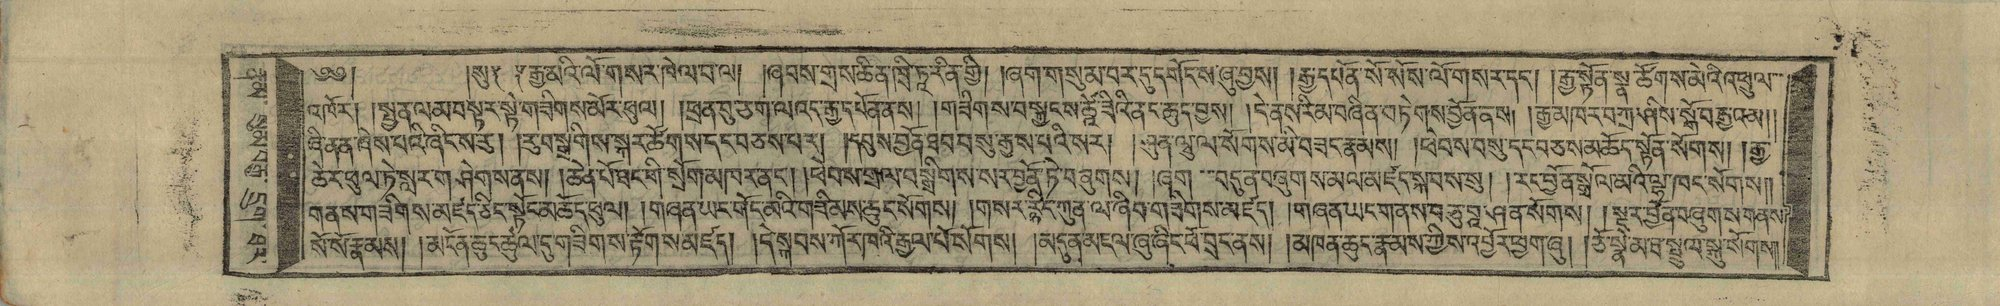༄༅། །སུ། །རྒྱ་མའི་ལོ་གསར་ཁེལ་བ་ལ། །ཞབས་གྲས་ཆིན་ཁྲི་ཏཱ་རིན་གྱི། །ཞག་གསུམ་བར་དུ་དགོངས་ཞུ་བྱས། །རྒྱ་དཔོན་སོ་སོས་ལོ་གསར་དང་། །རྒྱ་སྟོན་སྣ་ཚོགས་མེའི་འཕྲུལ་
འཁོར། །སྤྱན་ལམ་བསྟར་སྟེ་གཟིགས་མོར་ཕུལ། །ཕྲན་བུ་ཅག་ལའང་རྒྱ་དཔོན་ནས། །གཟིགས་བསྐྱང་ས་ཚE་ཟིའི་ནང་ཆུད་བྱས། །དེ་ནས་རིམ་བཞིན་བཏེགས་བྱོན་ནས། །རྒྱ་མཁར་བཀྲ་ཤིས་སྒོ་བརྒྱ་འམ།།
ཞི་ནན་ཞེས་པའི་ཞིང་ས་རུ། །རུ་བསྒྲིགས་སྐར་ཚོགས་དང་བཅས་པར། །དབུས་བྱོན་ཐབ་བསུ་རྒྱས་པའི་སར། །ཤུན་ཝུ་ལ་སོགས་མི་བཟང་རྣམས། །ཕེབས་བསུ་དང་བཅས་མཆོད་སྟོན་སོགས། །རྒྱ་
ཆེར་ཕུལ་ཏེ་སླར་གཤེགས་ནས། །ཆེན་པོ་ཐང་གི་སྲོག་མཁར་ནང་། །ཕེབས་གྲལ་བསྒྲིགས་སར་བྱོན་ཏེ་བཞུགས། །ཞག་བདུན་བཞུགས་མལ་མཛད་སྐབས་སུ། །རང་བྱོན་སྒྲོལ་མའི་ལྷ་ཁང་སོགས།།
གནས་གཟིགས་མཛད་ཅིང་སྟོང་མཆོད་ཕུལ། །གཞན་ཡང་གོང་མའི་གཟིམས་ཆུང་སོགས། །གསར་རྙིང་ཀུན་ལ་ཞིབ་གཟིགས་མཛད། །གཞན་ཡང་གནས་བཅུ་པཱ་ཤན་སོགས། །སྔར་བྱོན་བཞུགས་གནས་
སོ་སོ་རྣམས། །མངོན་ཆུང་ཚུལ་དུ་གཟིགས་རྟོགས་མཛད། །དེ་སྐབས་ཀོར་ཁའི་རྒྱལ་པོ་སོགས། །མདུན་མཇལ་ཞུ་ཞིང་ཕོ་བྲང་ནས། །མཁན་ཆུང་རྣམས་ཀྱིས་འབྱོར་ཕྱག་ཞུ། །ཅོ་སྣེ་མ་ཐ་སྤྲུལ་སྐུ་སོགས།།